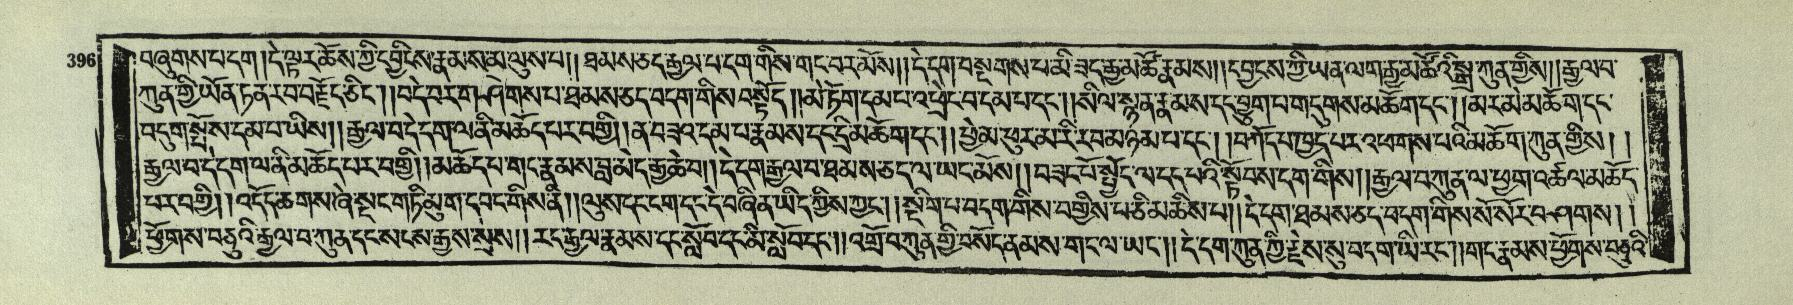བཞུགས་པ་དག །དེ་ལྟར་ཆོས་ཀྱི་དབྱིངས་རྣམས་མ་ལུས་པ། །ཐམས་ཅད་རྒྱལ་པ་དག་གིས་གང་བར་མོས། །དེ་དག་བསྔགས་པ་མི་ཟད་རྒྱ་མཚོ་རྣམས། །དབྱངས་ཀྱི་ཡན་ལག་རྒྱ་མཚོའི་སྒྲ་ཀུན་གྱིས། །རྒྱལ་བ་
ཀུན་གྱི་ཡོན་ཏན་རབ་བརྗོད་ཅིང་། །བདེ་བར་གཤེགས་པ་ཐམས་ཅད་བདག་གིས་བསྟོད། །མེ་ཏོག་དམ་པ་འཕྲེང་བ་དམ་པ་དང་། །སིལ་སྙན་རྣམས་དང་བྱུང་པ་གདུགས་མཆོག་དང་། །མར་མེ་མཆོག་དང་
བདུག་སྤོས་དམ་པ་ཡིས། །རྒྱལ་བ་དེ་དག་ལ་ནི་མཆོད་པར་བགྱི། །ན་བཟའ་དམ་པ་རྣམས་དང་དྲི་མཆོག་དང་། །ཕྱེ་མ་ཕུར་མ་རི་རབ་མཉམ་པ་དང་། །བཀོད་པ་ཁྱད་པར་འཕགས་པའི་མཆོག་ཀུན་གྱིས། །
རྒྱལ་བ་དེ་དག་ལ་ནི་མཆོད་པར་བགྱི། །མཆོད་པ་གང་རྣམས་བླ་མེད་རྒྱ་ཆེ་བ། །དེ་དག་རྒྱལ་བ་ཐམས་ཅད་ལ་ཡང་མོས། །བཟང་པོ་སྤྱོད་ལ་དད་པའི་སྟོབས་དག་གིས། །རྒྱལ་བ་ཀུན་ལ་ཕྱག་འཚལ་མཆོད་
པར་བགྱི། །འདོད་ཆགས་ཞེ་སྡང་གཏི་མུག་དབང་གིས་ནི། །ལུས་དང་ངག་དང་དེ་བཞིན་ཡིད་ཀྱིས་ཀྱང་། །སྡིག་པ་བདག་གིས་བགྱིས་པ་ཅི་མཆིས་པ། །དེ་དག་ཐམས་ཅད་བདག་གིས་སོ་སོར་བཤགས། །
ཕྱོགས་བཅུའི་རྒྱལ་བ་ཀུན་དང་སངས་རྒྱས་སྲས། །རང་རྒྱལ་རྣམས་དང་སློབ་དང་མི་སློབ་དང་། །འགྲོ་བ་ཀུན་གྱི་བསོད་ནམས་གང་ལ་ཡང་། །དེ་དག་ཀུན་ཀྱི་རྗེས་སུ་བདག་ཡི་རང་། །གང་རྣམས་ཕྱོགས་བཅུའི་